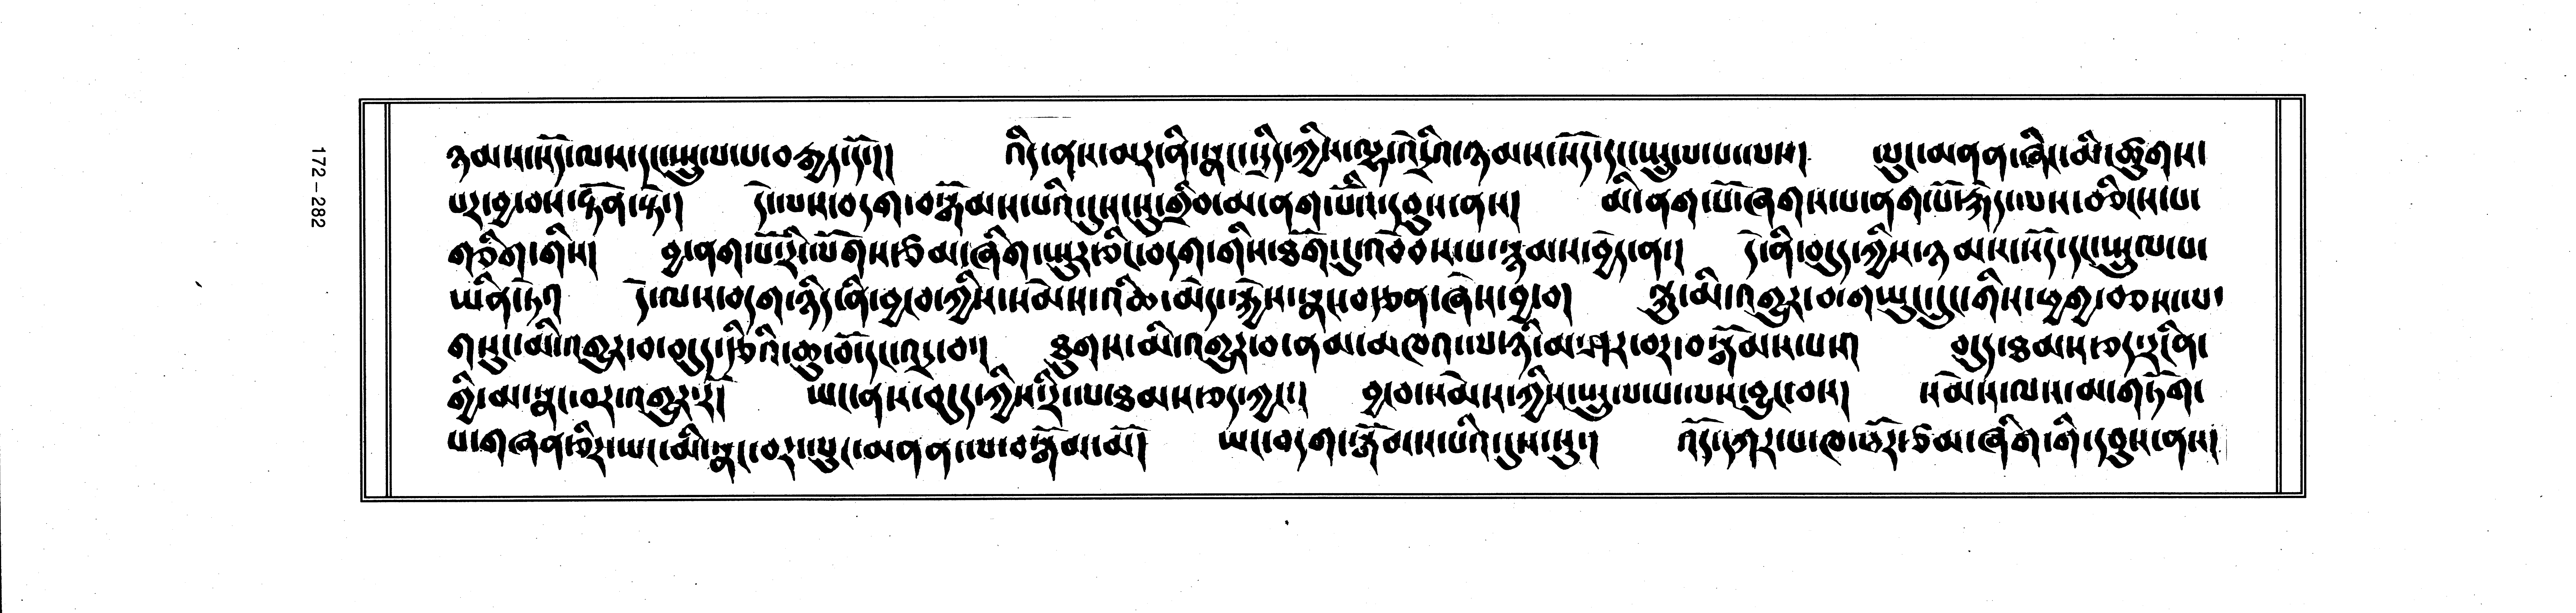ལས་དང་སྤྲུལ་པ་བརྒྱད་དོ། འདི་ནས་མར་ནི་སྣང་སྲིད་ཀྱིས་ལྷ་འདྲེའི་ཉམས་སོད་དང་སྤྲུལ་པ་ལས། ལུང་མནན་ཞིང་མི་ཚུགས་
པར་བྱ་བས་སྟོན་སྟེ། དེ་ལས་བདག་བསྒོམས་པའི་དུས་སུ་གྲིབ་མ་ནག་པོའི་དབུས་ནས། མི་ནག་པོ་ཞགས་པ་ནག་པོ་རྐེད་ལས་བཅིངས་པ་
གཅིག་གིས། བྱ་ནག་པོ་རི་ལོགས་ཙམ་ཞིག་སྤུར་ཅིང་བདག་གིས་ཐོག་དུ་འབེབས་པ་སྙམས་བྱེད་ན། དེ་ནི་བདུད་ཀྱིས་ཉམས་སོད་དང་སྤྲུལ་པ་
ཡིན་ཏེ། དེ་ལས་བདག་ཉིད་ནི་བྱང་ཆུབ་ཀྱིས་སེམས་འཆི་མེད་སྐྱེད་སྣང་བརྩན་ཞེས་བྱ་བ། སྐུ་མི་འགྱུར་བ་གཡུང་དྲུང་གིས་ཕྱག་རྒྱ་བཅས་ལ་
གསུང་མི་འགྱུར་བ་བདུད་རྩིའི་ཆུ་བོ་དང་འདྲ་བ། ཐུགས་མི་འགྱུར་བ་ནམ་མཁའ་ལ་ཉི་མ་ཤར་བར་བསྒོམས་པས། བདུད་ཐམས་ཅད་རང་བཞིན་
གྱི་མ་སྣང་བར་འགྱུར་རོ། ཡང་ནས་བདུད་ཀྱིས་རི་ལ་ཐམས་ཅད་ཀྱང་། བྱང་ཆུབ་སེམས་ཀྱིས་སྤྲུལ་པ་ལས་བྱུང་བས། སེམས་ལས་མ་རྟོགས་
པ་གཞན་ཅིར་ཡང་མི་སྣང་བར་ལུང་མནན་ལ་བསྒོམ་མོ། ཡང་བདག་སྒོམས་པའི་དུས་སུ། འོད་དཀར་པོ་ཁ་ཕོར་ཙམ་ཞིག་གི་དབུས་ནས།